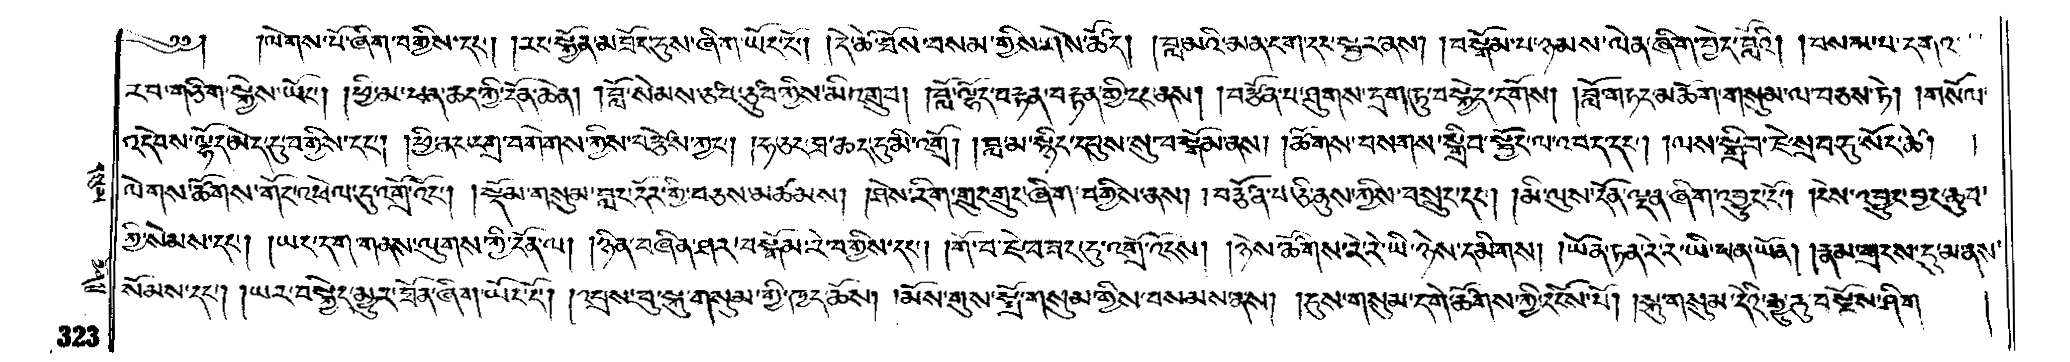༄༅། །ལེགས་པོ་ཞིག་བགྱིས་དང་། །རང་སྐྱོན་མཐོང་དུས་ཞིག་ཡོང་ངོ། །དེ་ཚེ་ཐོས་བསམ་གྱིས་ཤེས་ཚོད། །བླ་མའི་མན་ངག་དང་སྦྱར་ནས། །བསྒོམ་པ་ཉམས་ལེན་ཞིག་བྱེད་བློའི། །བསམ་པ་དགའ་
རབ་གཅིག་སྐྱེས་ཡོང་། །ཕྱི་མ་ཕན་ཆད་ཀྱི་དོན་ཆེན། །བློ་སེམས་ཙབ་ཙུབ་ཀྱིས་མི་འགྲུབ། །བློ་ལྷོད་བརྟན་བརྟན་གྱི་ངང་ནས། །བརྩོན་པ་ཤུགས་དྲག་ཏུ་བསྐྱེད་དགོས། །བློ་གཏང་མཆོག་གསུམ་ལ་བཅས་ཏེ། །གསོལ་
འདེབས་ལྷོད་མེད་དུ་བགྱིས་དང་། །ཕྱི་ནང་དགྲ་བགེགས་ཀྱིས་བརྩེས་ཀྱང་། །ཧ་ཅང་ཐ་ཆད་དུ་མི་འགྲོ། །བླ་མ་སྙིང་དབུས་སུ་བསྒོམ་ནས། །ཚོགས་བསགས་སྒྲིབ་སྦྱོང་ལ་འབད་དང་། །ལས་སྒྲིབ་ཇེ་སྲབ་དུ་སོང་ཚེ། །
ལེགས་ཚོགས་གོང་འཕེལ་དུ་འགྲོ་འོང་། །སྡོམ་གསུམ་བླང་དོར་གྱི་བཅས་མཚམས། །ཤེས་རིག་གྲུང་གྲུང་ཞིག་བགྱིས་ནས། །བརྩོན་པ་ཅི་ནུས་ཀྱིས་བསྲུང་དང་། །མི་ལུས་དོན་ལྡན་ཞིག་འབྱུང་ངོ། །ངེས་འབྱུང་བྱང་ཆུབ་
ཀྱི་སེམས་དང་། །ཡང་དག་གནས་ལུགས་ཀྱི་དོན་ལ། །ཉིན་བཞིན་ཤར་བསྒོམ་རེ་བགྱིས་དང་། །གོ་བ་ཇེ་བཟང་དུ་འགྲོ་འོངས། །ཉེས་ཚོགས་རེ་རེ་ཡི་ཉེས་དམིགས། །ཡོན་ཏན་རེ་རེ་ཡི་ཕན་ཡོན། །རྣམ་གྲངས་དུ་མ་ནས་
སོམས་དང་། །ཡར་བསྐྱེད་མྱུར་ཐོན་ཞིག་ཡོང་ངོ། །འབྲས་བུ་སྐུ་གསུམ་གྱི་ཁྱད་ཆོས། །མོས་གུས་སྤྲོ་གསུམ་གྱིས་བསམས་ནས། །དུས་གསུམ་དགེ་ཚོགས་ཀྱི་དངོས་པོ། །སྐུ་གསུམ་དེའི་རྒྱུ་རུ་བསྔོས་ཤིག །